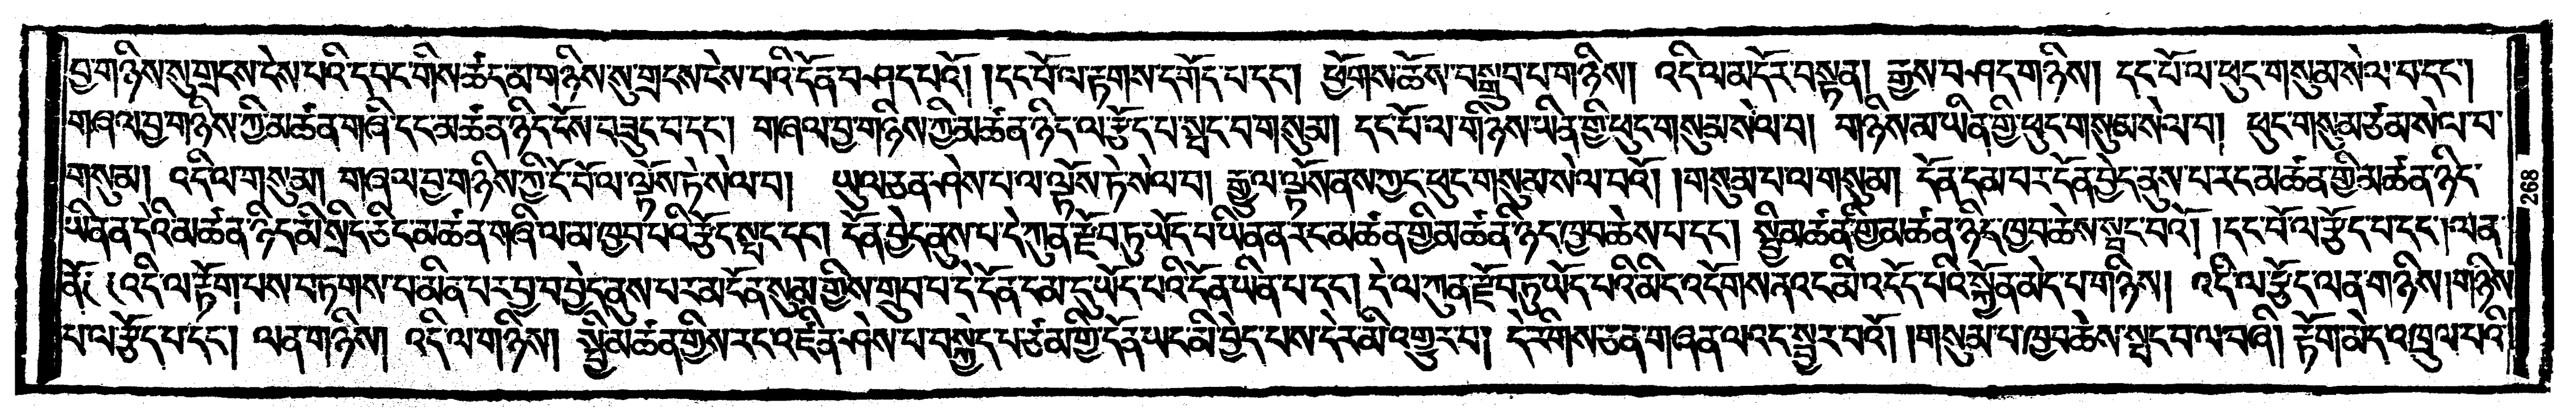བྱ་གཉིས་སུ་གྲངས་ངེས་པའི་དབང་གིས་ཚད་མ་གཉིས་སུ་གྲངས་ངེས་པའི་དོན་བཤད་པའོ། །དང་པོ་ལ་རྟགས་དགོད་པ་དང་། ཕྱོགས་ཆོས་བསྒྲུབ་པ་གཉིས། འདི་ལ་མདོར་བསྟན། རྒྱས་བཤད་གཉིས། དང་པོ་ལ་ཕུང་གསུམ་སེལ་བ་དང་།
གཞལ་བྱ་གཉིས་ཀྱི་མཚན་གཞི་དང་མཚན་ཉིད་ངོས་བཟུང་བ་དང་། གཞལ་བྱ་གཉིས་ཀྱི་མཚན་ཉིད་ལ་རྩོད་པ་སྤང་བ་གསུམ། དང་པོ་ལ་གཉིས་ཡིན་གྱི་ཕུང་གསུམ་སེལ་བ། གཉིས་མ་ཡིན་གྱི་ཕུང་གསུམ་སེལ་བ། ཕུང་གསུམ་ཙམ་སེལ་བ་
གསུམ། འདི་ལ་གསུམ། གཞལ་བྱ་གཉིས་ཀྱི་ངོ་བོ་ལ་ལྟོས་ཏེ་སེལ་བ། ཡུལ་ཅན་ཤེས་པ་ལ་ལྟོས་ཏེ་སེལ་བ། རྒྱུ་ལ་ལྟོས་ནས་ཀྱང་ཕུང་གསུམ་སེལ་བའོ། །གསུམ་པ་ལ་གསུམ། དོན་དམ་པར་དོན་བྱེད་ནུས་པ་རང་མཚན་གྱི་མཚན་ཉིད་
ཡིན་ན་དེའི་མཚན་ཉིད་མི་སྲིད་ཅིང་མཚན་གཞི་ལ་མ་ཁྱབ་པའི་རྩོད་སྤང་དང་། དོན་བྱེད་ནུས་པ་དེ་ཀུན་རྫོབ་ཏུ་ཡོད་པ་ཡིན་ན་རང་མཚན་གྱི་མཚན་ཉིད་ཁྱབ་ཆེས་པ་དང་། སྤྱི་མཚན་གྱི་མཚན་ཉིད་ཁྱབ་ཆེས་སྤང་བའོ། །དང་པོ་ལ་རྩོད་པ་དང་། ལན་
ནོ། །འདི་ལ་རྟོག་པས་བཏགས་པ་མིན་པར་བྱ་བ་བྱེད་ནུས་པར་མངོན་སུམ་གྱིས་གྲུབ་པ་དེ་དོན་དམ་དུ་ཡོད་པའི་དོན་ཡིན་པ་དང་། དེ་ལ་ཀུན་རྫོབ་ཏུ་ཡོད་པའི་མིང་འདོགས་ནའང་མི་འདོད་པའི་སྐྱོན་མེད་པ་གཉིས། འདི་ལ་རྩོད་ལན་གཉིས། གཉིས་
པ་ལ་རྩོད་པ་དང་། ལན་གཉིས། འདི་ལ་གཉིས། སྤྱི་མཚན་གྱིས་རང་འཛིན་ཤེས་པ་བསྐྱེད་པ་ཙམ་གྱི་དོན་ཡང་མི་བྱེད་པས་དེར་མི་འགྱུར་བ། དེ་རིགས་ཅན་གཞན་ལའང་སྦྱར་བའོ། །གསུམ་པ་ཁྱབ་ཆེས་སྤང་བ་ལ་བཞི། རྟོག་མེད་འཁྲུལ་པའི་